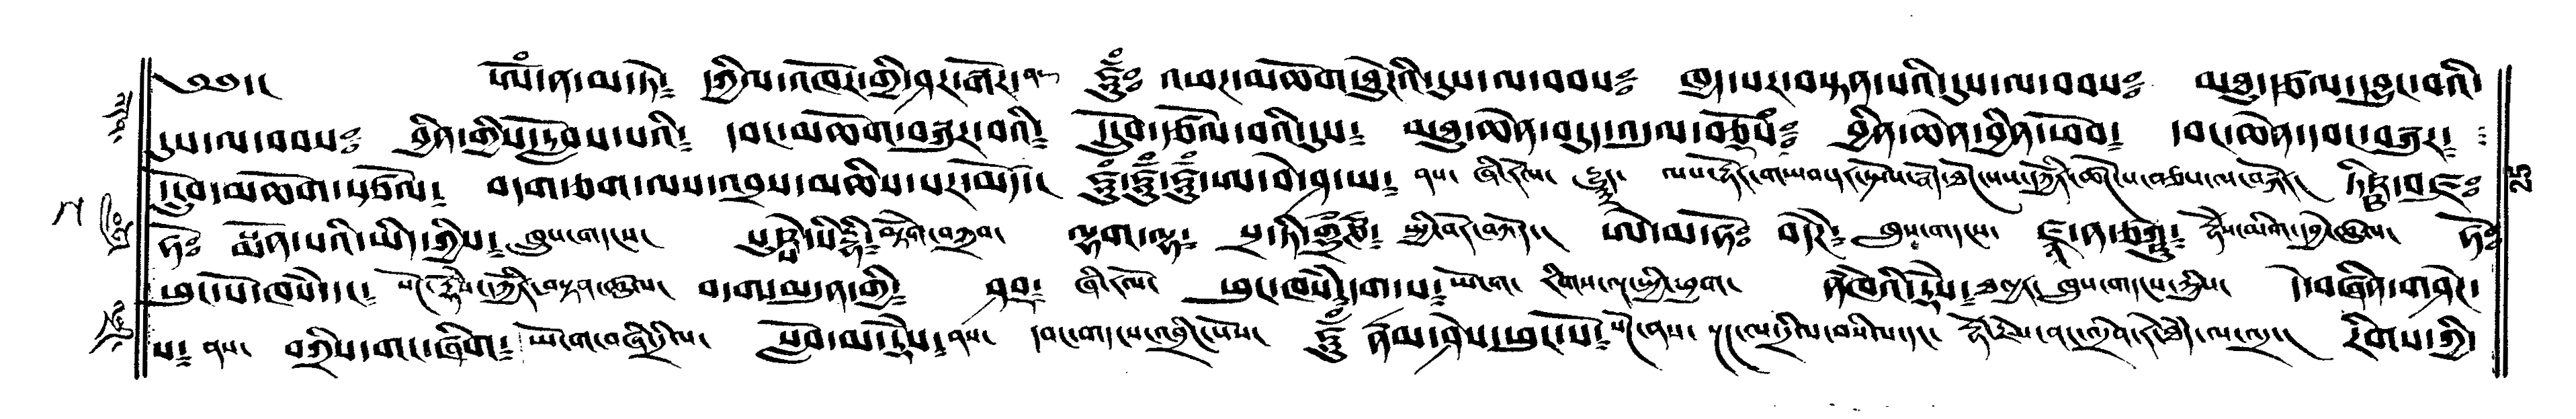ཨོཾ་ན་མ་ཏེ༴ དཀྱིལ་འཁོར་གྱི་ཤར་སྒོར༴ ནས། ཧཱུྃ༔ འཕགས་མཆོག་ཐུགས་རྗེའི་དུས་ལ་བབས༔ ཁྱད་པར་བསྟན་པའི་དུས་ལ་བབས༔ མཐུ་རྩལ་དབྱུང་བའི་
དུས་ལ་བབས༔ བྱིན་གྱིས་རློབ་པའི༴ དབང་མཆོག་སྐུར་བའི༴ དངོས་གྲུབ་སྩོལ་བའི་དུས༴ མཐུ་ཆེན་བདུད་འདུལ་བཅོམ་ལྡན་འདས༔ བྱིན་ཆེན་བྱིན་ཕོབ༴ དབང་ཆེན་དབང་བསྐུར༴ 
དངོས་གྲུབ་མཆོག་སྩོལ༴ བདག་ཅག་ལས་འབྲས་མཆིས་པར་མཛོད༔ ཧཱུྃ་ཧཱུྃ་ཧཱུྃ་ཨ་བེ་ཤ་ཡ༴ ནས། ཞི་རོལ། རྒྱུད་གསུམ། ལས་རྡོར་གཡབ་དར་སྤོས་སྣོད་ཐོགས་པས་དཀྱིལ་འཁོར་ཚོགས་པ་བཅས་ལ་བསྐོར།ཏིཥྛ་བཛྲ༔ 
ཧོ༔ སྨོན་པའི་ཡིད་ཀྱིས༴ ཁྲུས་གདངས། པུཥྤེ་སིདྡྷི༴ མེ་ཏོག་བཀྲམ། ལྷག་ལྷ༴ པྲ་ཏི་གྷྲྀརྞ༴ སྤྱི་བོར་འཁོད། ཨེ་མ་ཧོཿ བདེ་གཤེགས༴ ཁྲུས་གདངས། ཛྙཱ་ན་ཙཀྵུ༴ རྡོ་རྗེས་མིག་དབྱེ་ཚུལ། ཧོ༔ 
ཕུང་པོ་ཁམས་དང༴ སོགས་རྡོ་རྗེས་དཀྱིལ་འཁོར་བསྟན་ཚུལ། བདག་མདུན་གྱི༴ ཤབྡ༴ ཞི་རོལ། ཕུང་ཁམས་དག་པ༴ ཡོ་ག རིགས་ལྔ་སྤྱི་ཕྱག ནམ་མཁའི་རྡོ་རྗེས༴ ཐལ་སྦྱར། ཁྲུས་གདངས་ཀྱིས། དེ་བཞིན་གཤེགས་
པ༴ ནས། བཀྲ་ཤིས་གང་ཞིག༴ ཡོ་ག་བཞི་དྲིལ། སློབ་མ་རྡོ་རྗེས༴ ནས། དབང་གདངས་འབྲིང་པོས། ཧཱུྃ༔ རྣམ་ཤེས་ཕུང་པོ༴ སོགས་ནས། སྔགས་ལ་དྲིལ་བསིལ་དང་། རྡོ་རྗེས་ནང་འདྲེན་རེ་ཐམས་ཅད་ལ་འདྲ། རིགས་ཀྱི་